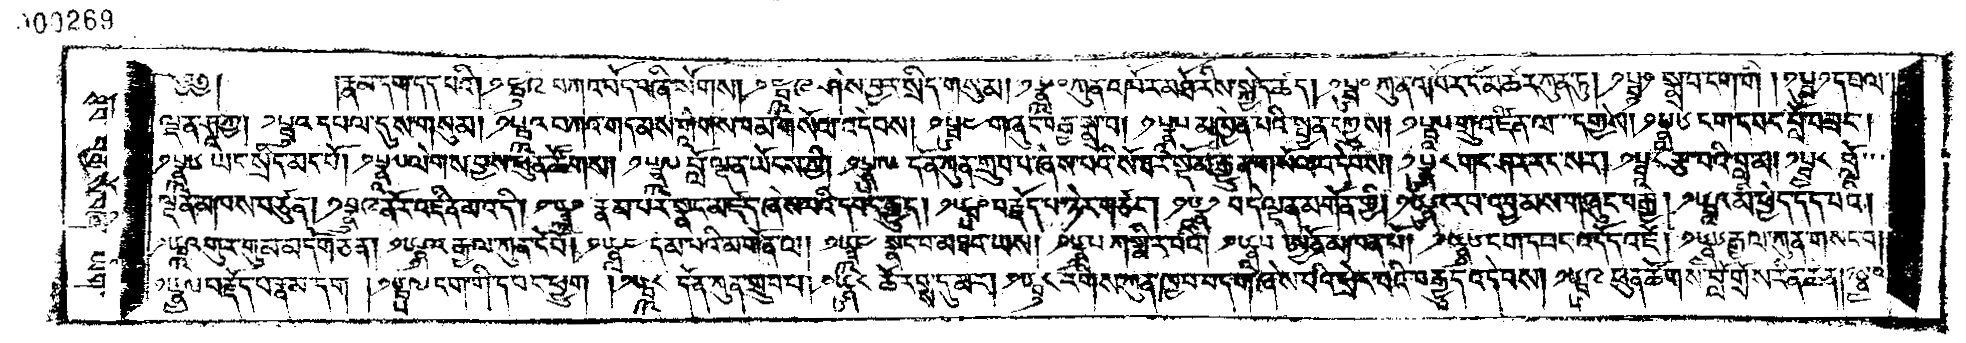༄༅། །རྣམ་དག་དད་པའི། ༡༤༩བ༡་བཀའ་བོད་བཞི་སོགས། ༡༤༩བ༣་ཤེས་བྱར་སྲིད་གསུམ། ༡༥༠ན༣་ཀུན་འཁོར་མཐོ་རིས་སྐྱེད་ཚད། ༡༥༠བ༦་ཀུན་འཁོར་ངོ་མཚར་ཀུན་ཏུ། ༡༥༡བ༡་སྨྲ་བ་ངག་གི། ༡༥༡བ༦་དཔལ་
ལྡན་ཤཱཀྱ། ༡༥༢བ༡་དཔལ་དུས་གསུམ། ༡༥༢བ༣་བཀའ་གདམས་གླེགས་བམ་གསོལ་འདེབས། ༡༥༤བ༦་གཞུང་བརྒྱ་སྨྲ་བ། ༡༥༥ན༢་མཁྱེན་པའི་སྤྱན་དཀྱུས། ༡༥༥བ༢་གྲུ་འཛིན་ལ་དགྱེས། ༡༥༦ན༢་ངག་དབང་བློ་བཟང་།
༡༥༦ན༣་ཡང་སྲིད་མང་པོ། ༡༥༦ན༢་ལེགས་བྱས་ཕུན་ཚོགས། ༡༥༧ན༣་བློ་དན་ཡོངས་ཀྱི། ༡༥༧ན༥་དོན་ཀུན་གྲུབ་པ་ཞེས་པའི་སོ་ཐར་སྡོམ་རྒྱུན་གསོལ་འདེབས། ༡༥༨ན༦་གང་ཤར་རང་སར། ༡༥༨བ༢་རྩ་བའི་བླ་མ། ༡༥༨བ༤་བློ་
ལྡན་མཁས་བཙུན། ༡༥༩ན༡་ནོར་འཛིན་མ་འདི། ༡༦༠ན༣་རྣམ་པར་སྣང་མཛད་ཞེས་པའི་དབང་རྒྱུད། ༡༧༠བ༥་བརྗོད་པ་ཉེར་གཙང་། ༡༦༡ན༢་བདེ་ལྡན་མགོན་གྱི། ༡༦༢ན༦་རབ་འབྱམས་གཞུང་བརྒྱ། ༡༦༢བ༢་མི་ཕྱེད་དད་པའི།
༡༦༢བ༣་གུར་གུམ་མ་དོག་ཅན། ༡༦༣ན༡་རྒྱལ་ཀུན་ངོ་བོ། ༡༦༤ན་ལ་དམ་པའི་མགོན་ལ། ༡༦༤ན༣་སྣང་བ་མཐའ་ཡས། ༡༦༥ན༡་ཀ་སྨིར་བའི། ༡༦༥ན༢་ཨཡོན་མཁན་པོ། ༡༦༦ན༡་ངག་དབང་འདོད་འཇོ། ༡༦༦ན༤་རྒྱལ་ཀུན་གསང་བ།
༡༦༧ན༤་བརྗོད་པ་རྣམ་དག །༡༦༧བ༥་ངག་གི་དབང་ཕྱུག །༡༦༨བ༣་དོན་ཀུན་གྲུབ་པ། ༡༦༨ན༦་ཚེ་རབས་དུ་མར། ༡༦༨བ༡་རིགས་ཀུན་ཁྱབ་བདག་ཞེས་པའི་ཕྲེང་བའི་བརྒྱུད་འདེབས། ༡༦༩བ༦་ཕུན་ཚོགས་བློ་གྲོས་རིན་ཆེན། ༡༩༠ན༤